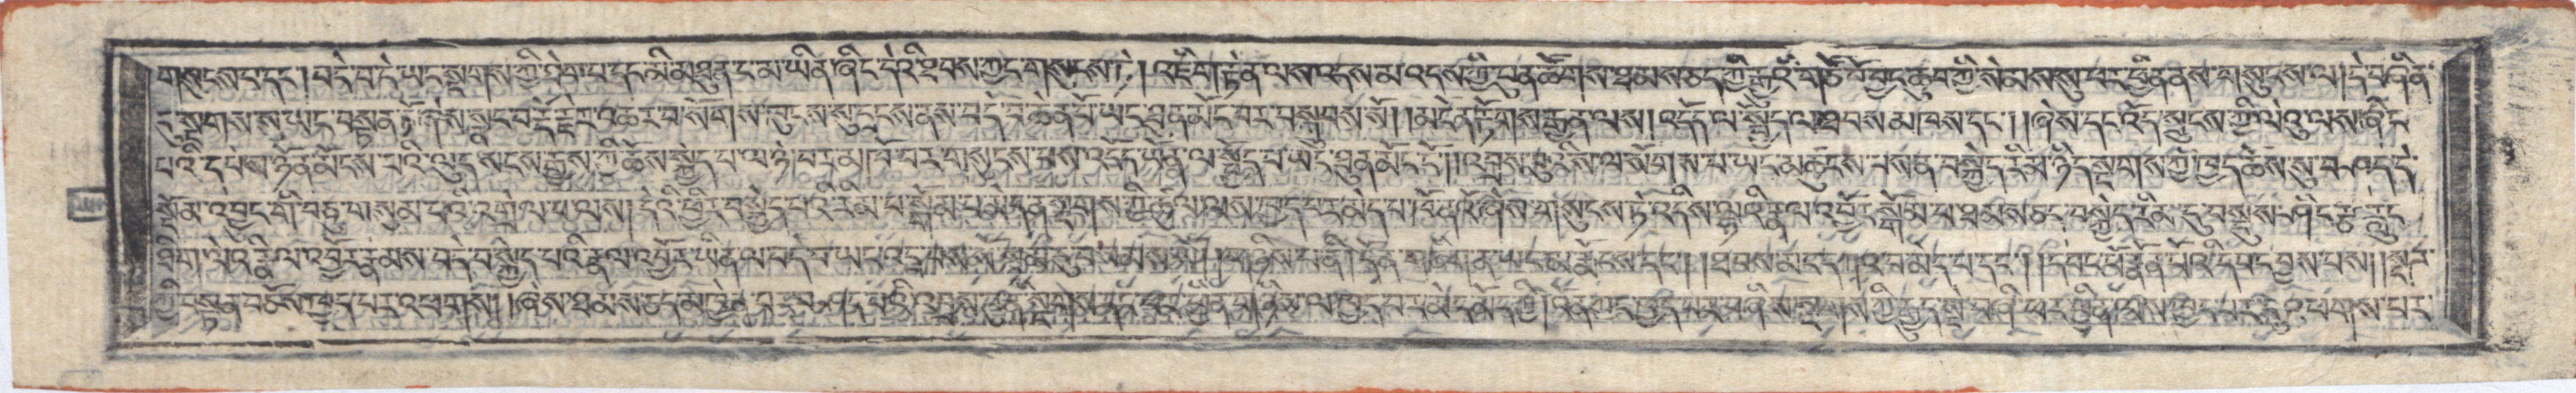གསུངས་པ་དང་། བདེ་བ་དེ་ཡང་སྔགས་ཀྱི་ཐེག་པ་དང་མི་མཐུན་པ་མ་ཡིན་ཞིང་དེའི་ཐབས་ཀྱང་གསུངས་ཏེ། འཇིག་རྟེན་ལས་འདས་མ་འདས་ཀྱི་ཕུན་ཚོགས་ཐམས་ཅད་ཀྱི་རྒྱུའི་གཙོ་བོ་བྱང་ཆུབ་ཀྱི་སེམས་སུ་ཕར་ཕྱིན་ནས་གསུངས་ལ། དེ་བཞིན་
དུ་སྔགས་སུ་ཡང་བསྟན་ཏོ་ཞེས་སྣང་བ་རྡོ་རྗེར་འཆར་བ་སོགས་ཁུངས་སུ་དྲངས་ནས་བདེ་བ་ཆེན་པོ་ཡང་ཐུན་མོང་བར་བསྒྲུབས་སོ། །མངོན་རྟོགས་རྒྱན་ལས། འདོད་ལ་སྤྱོད་ལ་ཐབས་མཁས་དང་། །ཞེས་དང་འོད་སྲུངས་ཀྱི་ལེའུ་ལས་ཞིང་
པའི་དཔེས་ཉོན་མོངས་པའི་ལུད་སངས་རྒྱས་ཀྱི་ཆོས་སྐྱེད་པ་ལ་ཉེ་བར་མཁོ་བར་གསུངས་པས་འདོད་ཡོན་ལ་སྤྱོད་པ་ཡང་ཐུན་མོང་ངོ། །འབྲས་བུའི་ས་ལ་སོགས་པ་ཡང་མཚུངས་པས་ན་བསྐྱེད་རིམ་ཉིད་སྔགས་ཀྱི་ཁྱད་ཆོས་སུ་བཤད་དེ་
སྡོམ་འབྱུང་གི་བཅུ་གསུམ་པའི་འགྲེལ་པ་ལས། དེའི་ཕྱིར་བསྐྱེད་པའི་རིམ་པ་སྒོམ་པ་མེད་ན་སྔགས་ཀྱི་ཚུལ་ལས་ཁྱད་པར་མེད་པ་ཁོ་ནའོ་ཞེས་གསུངས་ཏེ་འདིས་ལྷའི་རྣལ་འབྱོར་སྒོམ་པ་ཐམས་ཅད་བསྐྱེད་རིམ་དུ་བསྡུས་ཤིང་རྩ་རླུང་
ཐིག་ལེའི་རྣལ་འབྱོར་རྣམས་བདེ་བ་སྐྱེད་པའི་རྣལ་འབྱོར་ཡིན་ལ་བདེ་བ་ཡང་འདྲ་བས་སོ་སྙམ་དུ་བསམས་སོ། །གཉིས་པ་ནི། དོན་གཅིག་ན་ཡང་མ་རྨོངས་དང་། །ཐབས་མང་དཀའ་བ་མེད་པ་དང་། །དབང་པོ་རྣོན་པོའི་དབང་བྱས་པས། །སྔགས་
ཀྱི་བསྟན་བཅོས་ཁྱད་པར་འཕགས། །ཞེས་ཐམས་ཅད་མཁྱེན་པར་བཤད་པའི་འབྲས་བུ་ནི་སྔགས་དང་ཕར་ཕྱིན་གཉིས་ལ་ཁྱད་པར་མེད་མོད་ཀྱི། འོན་ཀྱང་ཁྱད་པར་བཞིས་སྔགས་ཀྱི་རྒྱུད་སྡེ་བཞི་ཕར་ཕྱིན་ལས་ཁྱད་པར་དུ་འཕགས་པར་